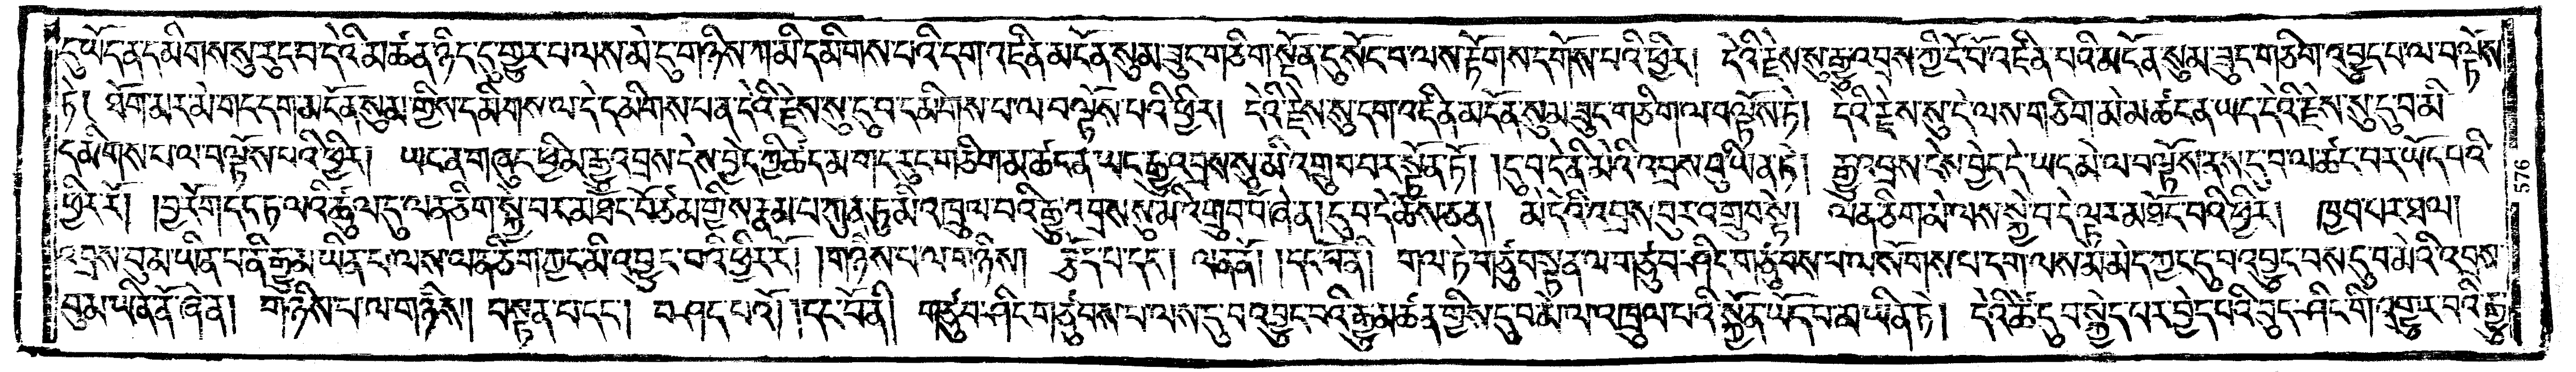དུ་ཡོད་ན་དམིགས་སུ་རུང་བ་དེའི་མཚན་ཉིད་དུ་གྱུར་པ་ལས་མེ་དུ་གཉིས་ཀ་མི་དམིགས་པའི་དག་འཛིན་མངོན་སུམ་ཟུང་གཅིག་སྔོན་དུ་སོང་བ་ལས་རྟོགས་དགོས་པའི་ཕྱིར། དེའི་རྗེས་སུ་རྒྱུ་འབྲས་ཀྱི་ངོ་བོ་འཛིན་པའི་མངོན་སུམ་ཟུང་གཅིག་འབྱུང་བ་ལ་བལྟོས་
ཏེ། ཐོག་མར་མེ་གང་དག་མངོན་སུམ་གྱིས་དམིགས་ལ་དེ་དམིགས་པ་ན་དེའི་རྗེས་སུ་དུ་བ་དམིགས་པ་ལ་བལྟོས་པའི་ཕྱིར། དེའི་རྗེས་སུ་དག་འཛིན་མངོན་སུམ་ཟུང་གཅིག་ལ་བལྟོས་ཏེ། དེའི་རྗེས་སུ་དེ་ལས་གཅིག་མེ་མཚང་ན་ཡང་དེའི་རྗེས་སུ་དུ་བ་མི་
དམིགས་པ་ལ་བལྟོས་པའི་ཕྱིར། ཡང་ན་གཞུང་ཕྱི་མ་རྒྱུ་འབྲས་དེས་བྱེད་ཀྱི་ཚད་མ་གང་རུང་གཅིག་མ་ཚང་ན་ཡང་རྒྱུ་འབྲས་སུ་མི་འགྲུབ་པར་སྟོན་ཏོ། །དུ་བ་དེ་ནི་མེའི་འབྲས་བུ་ཡིན་ཏེ། རྒྱུ་འབྲས་ངེས་བྱེད་དེ་ཡང་མེ་ལ་བལྟོས་ནས་དུ་བ་ལ་ཚང་བར་ཡོད་པའི་
ཕྱིར་རོ། །བྱ་རོག་དང་ཏ་ལའི་ཚུལ་དུ་ལན་ཅིག་སྐྱེ་བར་མཐོང་བོ་ཙམ་གྱིས་རྣམ་པ་ཀུན་ཏུ་མི་འཁྲུལ་བའི་རྒྱུ་འབྲས་སུ་མི་འགྲུབ་བོ་ཞེ་ན། དུ་བ་དེ་ཆོས་ཅན། མེ་དེའི་འབྲས་བུར་འགྲུབ་སྟེ། ལན་ཅིག་མེ་ལས་སྐྱེ་བ་དེ་ལྟར་མཐོང་བའི་ཕྱིར། ཁྱབ་པར་ཐལ།
འབྲས་བུ་མ་ཡིན་པ་ནི་རྒྱུ་མ་ཡིན་པ་ལས་ལན་ཅིག་ཀྱང་མི་འབྱུང་བའི་ཕྱིར་རོ། །གཉིས་པ་ལ་གཉིས། རྩོད་པ་དང་། ལན་ནོ། །དང་པོ་ནི། གལ་ཏེ་གཙུབ་སྟན་ལ་གཙུབ་ཤིང་གཙུབས་པ་ལ་སོགས་པ་དག་ལས་མེ་མེད་ཀྱང་དུ་བ་འབྱུང་བས་དུ་བ་མེའི་འབྲས་
བུ་མ་ཡིན་ནོ་ཞེ་ན། གཉིས་པ་ལ་གཉིས། བསྟན་པ་དང་། བཤད་པའོ། །དང་པོ་ནི། གཙུབ་ཤིང་གཙུབས་པ་ལས་དུ་བ་འབྱུང་བའི་རྒྱུ་མཚན་གྱིས་དུ་བ་མེ་ལ་འཁྲུལ་པའི་སྐྱོན་ཡོད་པ་མ་ཡིན་ཏེ། དེའི་ཚེ་དུ་བ་སྐྱེད་པར་བྱེད་པའི་བུད་ཤིང་གི་འགྱུར་བའི་རྒྱུ་